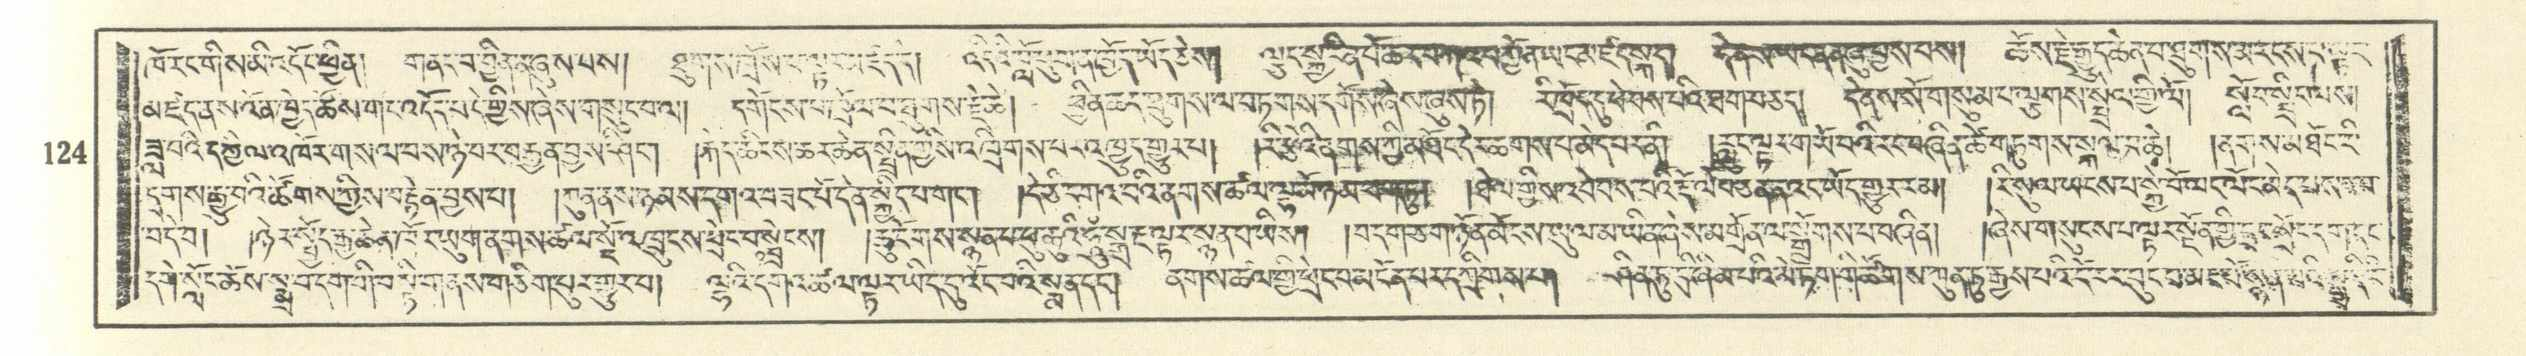ཁོ་རང་གིས་མི་འདོད་ཕྱིན། གནང་བ་བྱིན་ན་ཞུས་པས། ཐུགས་ཁྲོས་པ་ལྟར་མཛད་དེ། འདིའི་བློ་ཐུག་ན་ཁྱོད་ཡོད་ཅེས། ལྕང་སྐྱ་རིན་པོ་ཆར་བཀའ་བཀྱོན་ཡང་མཛད་སྐད། དེ་ནས་ཡང་ནན་ཞུ་བྱས་པས། ཆོས་རྗེ་རྒྱུད་ཆེན་པ་ཐུགས་མ་རངས་པ་ལྟར་
མཛད་ནས་འོན་ཁྱེད་ཚོས་གང་འདོད་པ་དེ་གྱིས་ཞེས་གསུང་བ་ལ། དགོངས་པ་ཁྲོལ་བ་ཐུགས་རྗེ་ཆེ། ཕྱིན་ཆད་ཐུགས་ལ་བཏགས་དགོས་ཞེས་ཞུས་ཏེ། རི་ཁྲོད་དུ་ཕེབས་པའི་ཐག་བཅད། དེ་ནས་སོ་གསུམ་པ་ལྕགས་སྤྲེལ་གྱི་ལོ། སློབ་སྤྲིང་ལས།
ཟླ་བའི་དཀྱིལ་འཁོར་གསལ་བས་ཉེ་བར་བརྒྱན་བྱས་ཤིང་། །རྐེད་ཆིངས་ཆར་ཆེན་སྤྲིན་གྱིས་འཁྲིགས་པར་འཁྱུད་གྱུར་པ། །རི་རྩེའི་ནགས་ཀྱི་མཐོང་དེར་ཆགས་པ་མེད་པར་ནི། །རླུང་ལྟར་གཡོ་བའི་རང་བཞིན་ཚེ་གཏུགས་སྐལ་བ་ཆེ། །ནགས་མཐོང་རི་
དྭགས་རྒྱུ་བའི་ཚོགས་ཀྱིས་བརྟེན་བྱས་པ། །ཀུན་ནས་ཉམས་དགའ་བཟང་པོ་དེ་ན་སྐྱིད་པ་གང་། །དེ་ཅི་དགའ་བའི་ནགས་ཚལ་ལྟ་མོ་ཉམ་ཕག་ཏུ། །ཐེལ་གྱིས་འབེབས་པའི་རྡོ་ལེབ་ཅན་ནའང་ཡོད་གྱུར་རམ། །རི་སུལ་ཡངས་པ་སྐྱེ་བོ་ལང་ལོང་མེད་པས་རབ་
བདེ་བ། །ཉེར་སྤྱོད་རྒྱ་ཆེན་ཁོར་ཡུག་ནགས་ཚལ་སྔོ་འཁྲུངས་ཕྲེང་བ་སྦྲེངས། །ཆུ་ངོགས་སྙན་པ་ཕུ་ཆུའི་ཧཱུཾ་སྒྲ་རྔ་ལྟར་སྙན་པ་ཡིས། །བདག་ཅག་ཉོན་མོངས་ཡུལ་མ་ཡིན་ཞེས་མགྲོན་ལ་སྒྲོགས་པ་བཞིན། །ཞེས་གསུངས་པ་ལྟར་སྔོན་གྱི་དྲང་སྲོང་དག་དང་
དགེ་སློང་ཆོས་སྨྲ་བ་དག་གི་བ་སྟི་གནས་གཅིག་པུར་གྱུར་པ། ལྷའི་དགའ་ཚལ་ལྟར་ཡིད་དུ་འོང་པའི་སྨན་དང་། ནགས་ཚལ་གྱི་ཕྲེང་བ་མངོན་པར་དཀྲིགས་པ། ཤིན་ཏུ་དྲི་ཤམ་པའི་མེ་ཏོག་གི་ཚོགས་ཀུན་ཏུ་རྒྱས་པའི་དོ་རར་བུང་བ་མང་པོ་སྙན་པའི་སྒྲ་དི་རི་